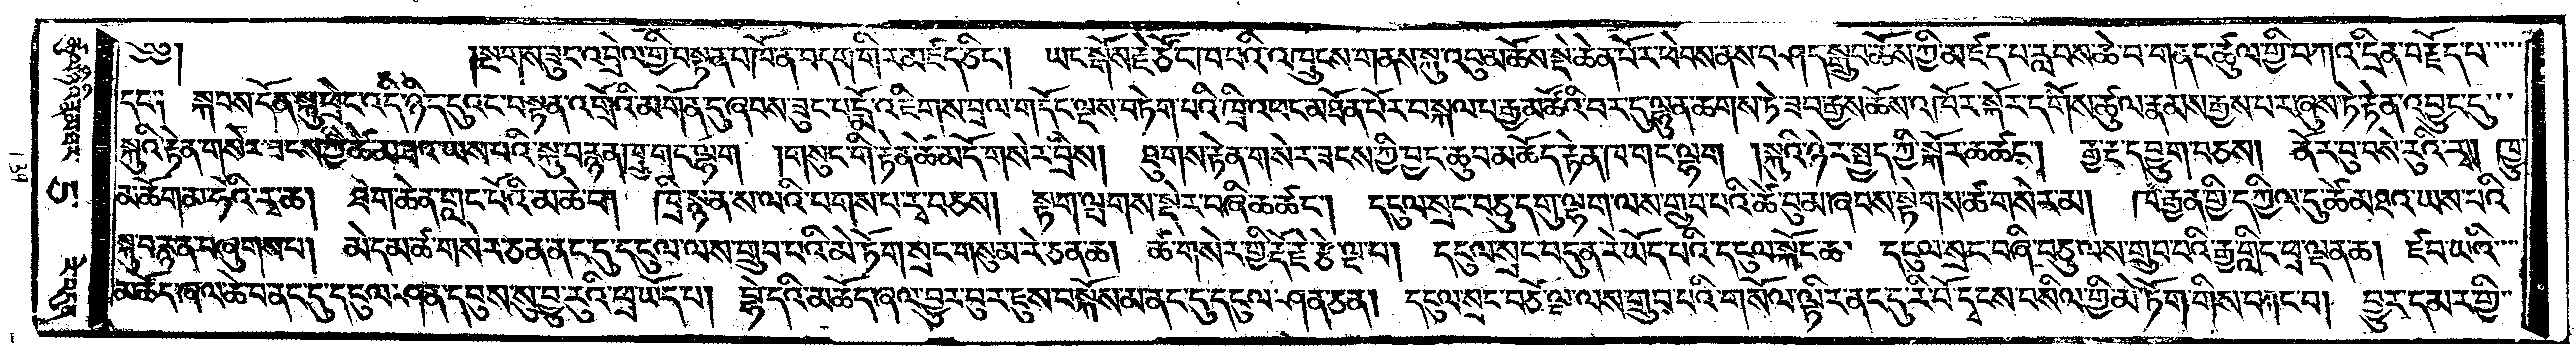༄༅། །སྔགས་ཟུང་འབྲེལ་གྱི་བསྟན་པ་ཁོན་བདག་གིར་མཛད་ཅིང་། ཡང་སོགས་རྗེ་ཙོང་ཁ་པའི་འཁྲུངས་གནས་སྐུ་འབུམ་ཆོས་སྡེ་ཆེན་པོར་ཕེབས་ནས་བཤད་སྒྲུབ་ཆོས་ཀྱི་མཛད་པ་རླབས་ཆེ་བ་གནང་ཚུལ་གྱི་བཀའ་དྲིན་བརྗོད་པ་
དང༑ སྐབས་དོན་སྐུ་ཕྲེང་འདི་ཉིད་དུའང་བསྟན་འགྲོའི་མགོན་དུ་ཞབས་ཟུང་པདམོ་འཇིགས་བྲལ་གདོང་ལྔས་བཏེག་པའི་ཁྲི་འཕང་མཐོན་པོར་བསྐལ་བ་རྒྱ་མཚོའི་བར་དུ་ལྷུན་ཆགས་ཏེ་ཟབ་རྒྱས་ཆོས་འཁོར་སྐོར་དགོས་ཚུལ་རྣམས་རྒྱས་པར་ཞུས་ཏེ་རྟེན་འབྱུང་དུ་
སྐུའི་རྟེན་གསེར་ཟངས་ཀྱི་ཚེ་མཐའ་ཡས་པའི་སྐུ་བརྙན་ཁྲུ་གང་ལྷག །གསུང་གི་རྟེན་ཚེ་མདོ་གསེར་བྲིས། ཐུགས་རྟེན་གསེར་ཟངས་ཀྱི་བྱང་ཆུབ་མཆོད་རྟེན་ཁ་གང་ལྷག །སྐུའི་ཉེར་སྤྱད་ཀྱི་སྐོར་ཆ་ཚང་། རྒྱ་རྔ་དབྱུག་བཅས། ནོར་བུ་བསེ་རུའི་རྭ། ཁྱུ་
མཆོག་མ་ཧེའི་རྭ་ཆ། ཐེག་ཆེན་གླང་པོའི་མཆེ་བ། ཁྲི་སྙན་ས་ལའི་པགས་པ་རྭ་བཅས། སྟག་ལྤགས་སྡེར་བཞི་ཆ་ཚང་། དངུལ་སྲང་བཅུ་དགུ་ལྷག་ལས་གྲུབ་པའི་ཚེ་བུམ་ཞབས་སྟེགས་ཚ་གསེར་མ། ཁ་རྒྱན་གྱི་དཀྱིལ་དུ་ཚེ་མཐའ་ཡས་པའི་
སྐུ་བརྙན་བཞུགས་པ། མེ་དམ་ཚ་གསེར་ཅན་ནང་དུ་དངུལ་ལས་གྲུབ་པའི་མེ་ཏོག་སྲང་གསུམ་རེ་ཅན་ཆ། ཚ་གསེར་གྱི་རྡོ་རྗེ་རྩེ་ལྔ་པ། དངུལ་སྲང་བདུན་རེ་ཡོད་པའི་དངུལ་སྐོང་ཆ་དངུལ་སྲང་བཞི་བཅུ་ལས་གྲུབ་པའི་རྒྱ་གླིང་ཕྲ་ལྡན་ཆ། ཛབ་ཡའི་
མཆོད་ཞལ་ཆེ་བ་ནང་དུ་དངུལ་ཤན་དབུས་སུ་བྱུ་རུའི་ཕྲ་ཡོད་པ། བྷེ་དའི་མཆོད་ཞལ་བྱུར་བུར་ཇུས་བསྐོས་མ་ནང་དུ་དངུལ་ཤན་ཅན། དངུལ་སྲང་བཅོ་ལྔ་ལས་གྲུབ་པའི་གསོལ་ལྟིར་ནང་དུ་རི་བོ་དྭངས་བསིལ་གྱི་མེ་ཏོག་གིས་བགང་བ། བྱུར་དམར་གྱི་